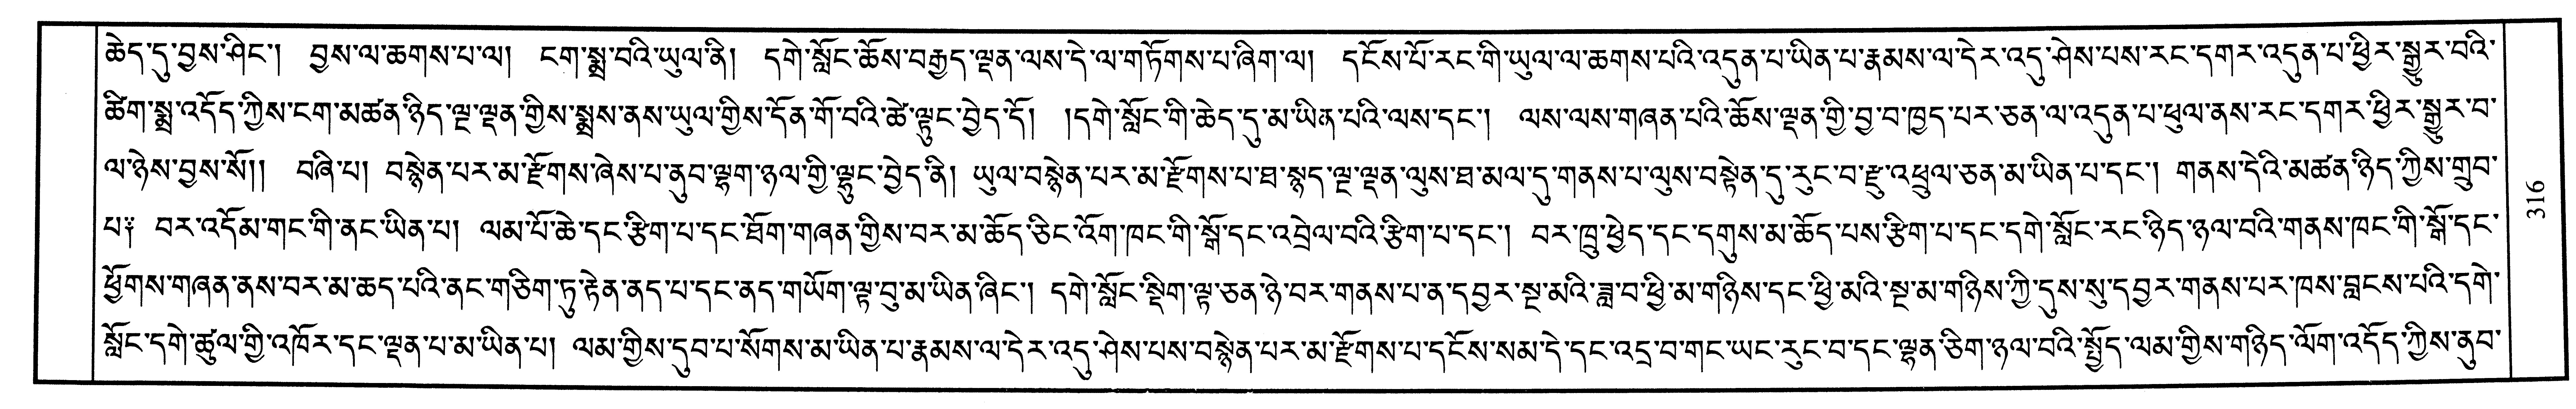ཆེད་དུ་བྱས་ཤིང་། བྱས་ལ་ཆགས་པ་ལ། ངག་སྨྲ་བའི་ཡུལ་ནི། དགེ་སློང་ཆོས་བརྒྱད་ལྡན་ལས་དེ་ལ་གཏོགས་པ་ཞིག་ལ། དངོས་པོ་རང་གི་ཡུལ་ལ་ཆགས་པའི་འདུན་པ་ཡིན་པ་རྣམས་ལ་དེར་འདུ་ཤེས་པས་རང་དགར་འདུན་པ་ཕྱིར་སྒྱུར་བའི་
ཚིག་སྨྲ་འདོད་ཀྱིས་ངག་མཚན་ཉིད་ལྔ་ལྡན་གྱིས་སྨྲས་ནས་ཡུལ་གྱིས་དོན་གོ་བའི་ཚེ་ལྟུང་བྱེད་དོ། །དགེ་སློང་གི་ཆེད་དུ་མ་ཡིན་པའི་ལས་དང་། ལས་ལས་གཞན་པའི་ཆོས་ལྡན་གྱི་བྱ་བ་ཁྱད་པར་ཅན་ལ་འདུན་པ་ཕུལ་ནས་རང་དགར་ཕྱིར་སྒྱུར་བ་
ལ་ཉེས་བྱས་སོ།། བཞི་པ། བསྙེན་པར་མ་རྫོགས་ཞེས་པ་ནུབ་ལྷག་ཉལ་གྱི་ལྷུང་བྱེད་ནི། ཡུལ་བསྙེན་པར་མ་རྫོགས་པ་ཐ་སྙད་ལྔ་ལྡན་ལུས་ཐ་མལ་དུ་གནས་པ་ལུས་བསྟེན་དུ་རུང་བ་རྫུ་འཕྲུལ་ཅན་མ་ཡིན་པ་དང་། གནས་དེའི་མཚན་ཉིད་ཀྱིས་གྲུབ་
པ༑ བར་འདོམ་གང་གི་ནང་ཡིན་པ། ལམ་པོ་ཆེ་དང་རྩིག་པ་དང་ཐོག་གཞན་གྱིས་བར་མ་ཆོད་ཅིང་འོག་ཁང་གི་སྒོ་དང་འབྲེལ་བའི་རྩིག་པ་དང་། བར་ཁྲུ་ཕྱེད་དང་དགུས་མ་ཆོད་པས་རྩིག་པ་དང་དགེ་སློང་རང་ཉིད་ཉལ་བའི་གནས་ཁང་གི་སྒོ་དང་
ཕྱོགས་གཞན་ནས་བར་མ་ཆད་པའི་ནང་གཅིག་ཏུ་རྟེན་ནད་པ་དང་ནད་གཡོག་ལྟ་བུ་མ་ཡིན་ཞིང་། དགེ་སློང་སྡིག་ལྟ་ཅན་ཉེ་བར་གནས་པ་ན་དབྱར་སྔ་མའི་ཟླ་བ་ཕྱི་མ་གཉིས་དང་ཕྱི་མའི་སྔ་མ་གཉིས་ཀྱི་དུས་སུ་དབྱར་གནས་པར་ཁས་བླངས་པའི་དགེ་
སློང་དགེ་ཚུལ་གྱི་འཁོར་དང་ལྡན་པ་མ་ཡིན་པ། ལམ་གྱིས་དུབ་པ་སོགས་མ་ཡིན་པ་རྣམས་ལ་དེར་འདུ་ཤེས་པས་བསྙེན་པར་མ་རྫོགས་པ་དངོས་སམ་དེ་དང་འདྲ་བ་གང་ཡང་རུང་བ་དང་ལྷན་ཅིག་ཉལ་བའི་སྤྱོད་ལམ་གྱིས་གཉིད་ལོག་འདོད་ཀྱིས་ནུབ་